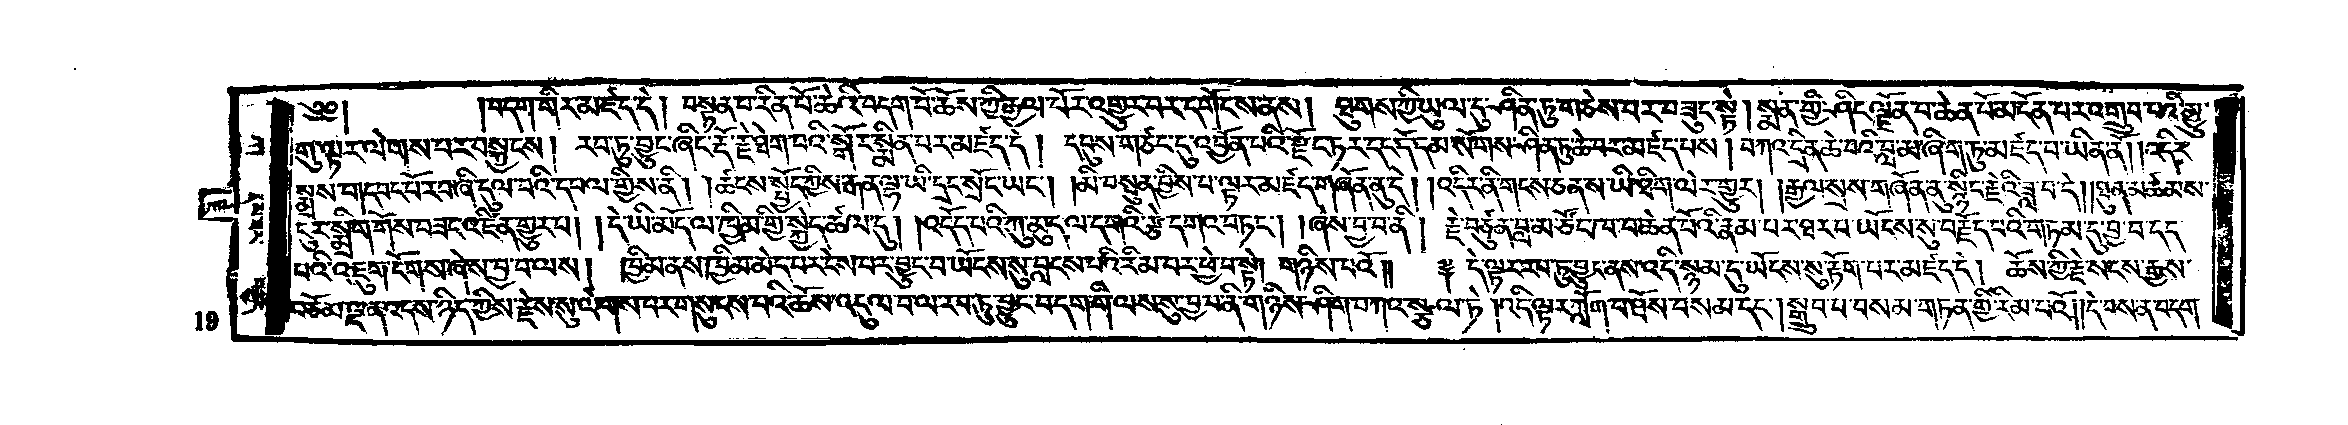༄༅། །བདག་གིར་མཛད་དེ། བསྟན་པ་རིན་པོ་ཆེའི་བདག་པོ་ཆོས་ཀྱི་རྒྱལ་པོར་འགྱུར་བར་དགོངས་ནས། ཐུགས་ཀྱི་ཡུལ་དུ་ཤིན་ཏུ་གཅེས་པར་བཟུང་སྟེ། སྨན་གྱི་ཤིང་ལྗོན་པ་ཆེན་པོ་མངོན་པར་འགྲུབ་པའི་མྱུ་
གུ་ལྟར་ལེགས་པར་བསྐྱངས། རབ་ཏུ་བྱུང་ཞིང་རྡོ་རྗེ་ཐེག་པའི་སྒོར་སྨིན་པར་མཛད་དེ། དབུས་གཙང་དུ་འབྱོན་པའི་རྫོང་ཏར་དང་དོ་དམ་སོགས་ཤིན་ཏུ་ཆེ་བར་མཛད་པས། བཀའ་དྲིན་ཆེ་བའི་བླ་མ་ཞིག་ཏུ་མཛད་པ་ཡིན་ནོ། །འདིར་
སྨྲས་པ། དབང་པོ་རབ་ཞི་དུལ་བའི་དཔལ་གྱིས་ནི། །ཚངས་སྤྱོད་ཀྱིས་རྒན་ལྷ་ཡི་དྲང་སྲོང་ཡང་། །མི་བསྤུན་བྱིས་པ་ལྟར་མཛད་གཞོན་ནུ་དེ། །འདིར་ནི་གངས་ཅན་ས་ཡི་ཐིག་ལེར་གྱུར། །རྒྱལ་སྲས་གཞོན་ནུ་སྙིང་རྗེའི་ཟླ་བ་དེ། །ཐུན་མཚམས་
ངུར་སྨྲིག་གོས་བཟང་འཛིན་གྱུར་པ། །དེ་ཡི་མདོ་ལ་ཁྱིམ་གྱི་སྐྱེད་ཚལ་དུ། །འདོད་པའི་ཀུ་མུད་ལ་དགའི་རྩེ་དགའ་བཏང་། །ཞེས་བྱ་བ་ནི། རྗེ་བཙུན་བླ་མ་ཙོང་ཁ་པ་ཆེན་པོའི་རྣམ་པར་ཐར་པ་ཡོངས་སུ་བརྗོད་པའི་གཏམ་དུ་བྱ་བ་དད་
པའི་འཇུག་དོགས་ཞེས་བྱ་བ་ལས། ཁྱིམ་ནས་ཁྱིམ་མེད་པར་ངེས་པར་བྱུང་བ་ཡོངས་སུ་བླངས་པའི་རིམ་པར་ཕྱེ་བ་སྟེ། གཉིས་པའོ།། ༈ དེ་ལྟར་རབ་ཏུ་བྱུང་ནས་འདི་སྙམ་དུ་ཡོངས་སུ་རྟོག་པར་མཛད་དེ། ཆོས་ཀྱི་རྗེ་སངས་རྒྱས་
བཅོམ་ལྡན་འདས་ཉིད་ཀྱིས་རྗེས་སུ་ལེགས་པར་གསུངས་པའི་ཆོས་འདུལ་བ་ལ་རབ་ཏུ་བྱུང་བ་དག་གི་ལས་སུ་བྱ་བ་ནི་གཉིས་ཤིག་བཀའ་སྩལ་ཏེ། འདི་ལྟར་ཀློག་པ་ཐོས་བསམ་དང་། སྒྲུབ་པ་བསམ་གཏན་གྱི་རིམ་པའོ། །དེ་བས་ན་བདག་